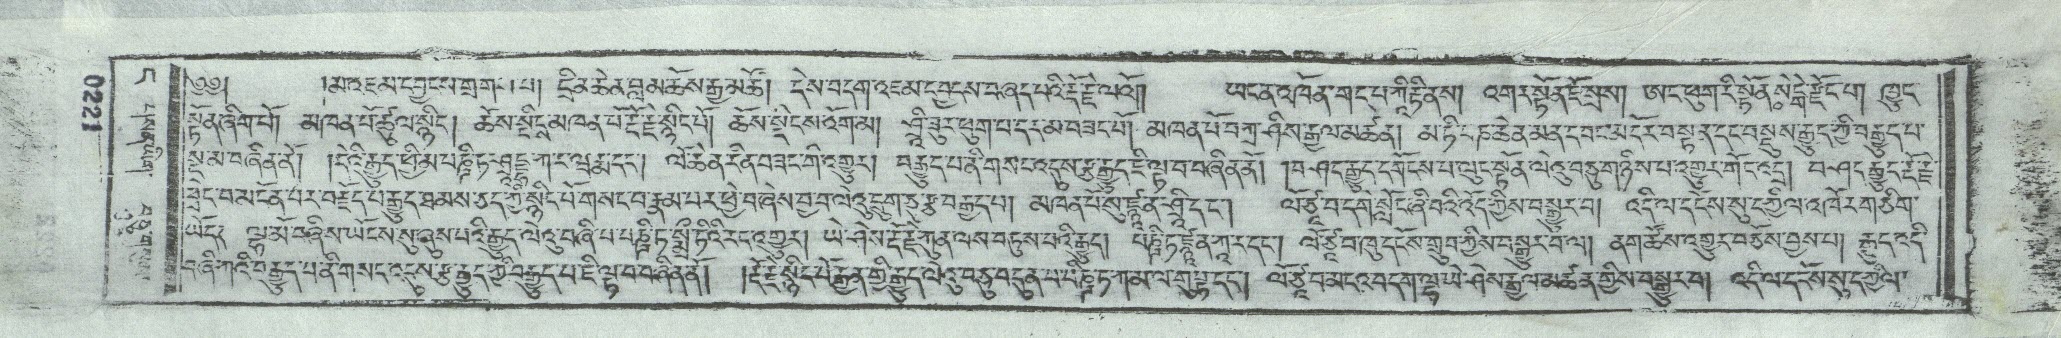༄༅། །མ་འཇམ་དབྱངས་གྲགས་པ། དྲིན་ཆེན་བླ་མ་ཆོས་རྒྱ་མཚོ། དེས་བདག་འཇམ་དབྱངས་བཞད་པའི་རྡོ་རྗེ་ལའོ།། ཡང་ན་འཁོན་གང་པ་ཀཱིརྟི་ནས། འགར་སྟོན་ཇོ་སྲས། ཨང་ལུག་རི་སྟོན་སེངྒེ་རྫོང་བས། ཁྱུང་
སྟོན་ཞིག་པོ། མཁན་པོ་ཚུལ་སྙིང་། ཆོས་སྡིངས་མཁན་པོ་རྡོ་རྗེ་སྙིང་པོ། ཆོས་སྡིངས་འོག་མ། ཤྲཱི་ཟུར་ཕུག་པ་དར་མ་བཟང་པོ། མཁན་པོ་བཀྲ་ཤིས་རྒྱལ་མཚན། མ་ཏི་པཎ་ཆེན་མན་དབང་མདོག་བསྟན་དང་བསྡུས་རྒྱུད་ཀྱི་བརྒྱུད་
སྔ་མ་བཞིན་ནོ། །དེའི་རྒྱུད་ཕྱི་མ་པཎྜི་ཏ་ཤྲཱདྷ་ཀ་ར་ཝརྨ་དང་། ལོ་ཆེན་རིན་བཟང་གི་འགྱུར། བརྒྱུད་པ་ནི་གསང་འདུས་རྩ་རྒྱུད་ཇི་ལྟ་བ་བཞིན་ནོ། །བཤད་རྒྱུད་དགོངས་པ་ལུང་སྟོན་ལེའུ་བཅུ་གཉིས་པ་འགྱུར་གོང་འདྲ་བཤད་རྒྱུད་
ཕྲེང་བ་མངོན་པར་བརྗོད་པ་རྒྱུད་ཐམས་ཅད་ཀྱི་སྙིང་པོ་གསང་བ་རྣམ་པར་ཕྱེ་བ་ཞེས་བྱ་བ་ལེའུ་དྲུག་ཅུ་རྩ་བརྒྱད་པ། མཁན་པོ་སུ་ཛྙཱ་ན་ཤྲཱི་དང་། ལོ་ཙཱ་བ་དགེ་སློང་ཞི་བའི་འོད་ཀྱིས་བསྒྱུར་བ། འདི་ལ་དངོས་སུ་དཀྱིལ་འཁོར་ཅེས་
ཡོད༑ ལྷ་མོ་བཞིས་ཡོངས་སུ་ཞུས་པའི་རྒྱུད་ལེའུ་བཞི་པ་པཎྜི་ཏ་སྨྲྀ་ཏིའི་རང་འགྱུར། ཡེ་ཤེས་རྡོ་རྗེ་ཀུན་ལས་བཏུས་པའི་རྒྱུད། པཎྜི་ཏ་ཛྙཱ་ན་ཀཱ་ར་དང་། ལོ་ཙཱ་བ་ཁུ་དངོས་གྲུབ་ཀྱིས་བསྒྱུར་བ་ལ། ནག་ཚོས་འགྱུར་བཅོས་བྱས་བ། རྒྱུད་འདི་
བཞི་ཀའི་བརྒྱུད་པ་ནི་གསང་འདུས་རྩ་རྒྱུད་ཀྱི་བརྒྱུད་པ་ཇི་ལྟ་བ་བཞིན་ནོ། །རྡོ་རྗེ་སྙིང་པོ་རྒྱན་གྱི་རྒྱུད་ལེའུ་བཅུ་བདུན་པ་པཎྜི་ཏ་ཀ་མ་ལ་གུཔྟ་དང་། ལོ་ཙཱ་བ་མངའ་བདག་ལྷ་ཡེ་ཤེས་རྒྱལ་མཚན་གྱིས་བསྒྱུར་བ། འདི་ལ་དངོས་སུ་དགྱིའོ།